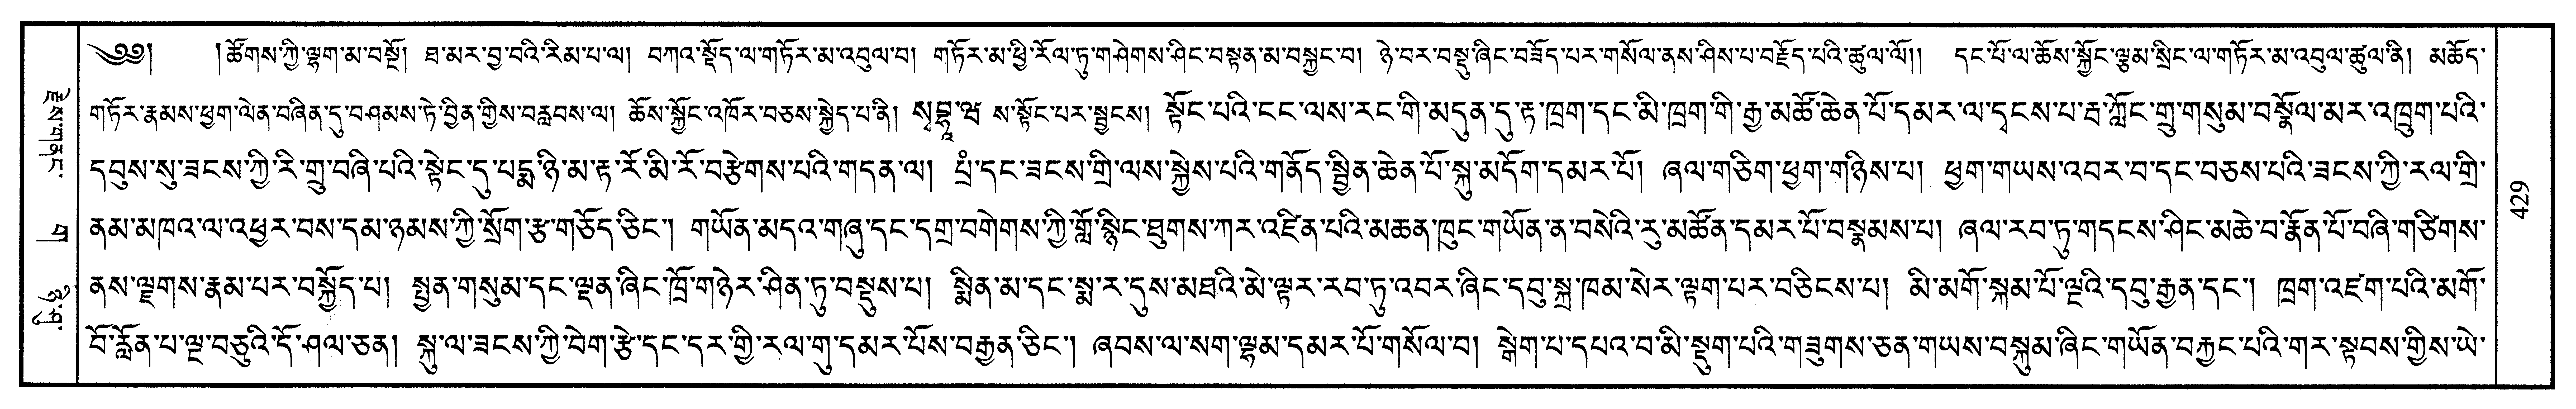༄༅། །ཚོགས་ཀྱི་ལྷག་མ་བསྔོ། ཐ་མར་བྱ་བའི་རིམ་པ་ལ། བཀའ་སྡོད་ལ་གཏོར་མ་འབུལ་བ། གཏོར་མ་ཕྱི་རོལ་ཏུ་གཤེགས་ཤིང་བསྟན་མ་བསྐྱང་བ། ཉེ་བར་བསྡུ་ཞིང་བཟོད་པར་གསོལ་ནས་ཤིས་བརྗོད་པའི་ཚུལ་ལོ།། དང་པོ་ལ་ཆོས་སྐྱོང་ལྕམ་སྲིང་ལ་གཏོར་མ་འབུལ་ཚུལ་ནི། མཆོད་
གཏོར་རྣམས་ཕྱག་ལེན་བཞིན་དུ་བཤམས་ཏེ་བྱིན་གྱིས་བརླབས་ལ། ཆོས་སྐྱོང་འཁོར་བཅས་སྐྱེད་པ་ནི། སྭབྷཱ་ཝ་ས་སྟོང་པར་སྦྱངས། སྟོང་པའི་ངང་ལས་རང་གི་མདུན་དུ་རྟ་ཁྲག་དང་མི་ཁྲག་གི་རྒྱ་མཚོ་ཆེན་པོ་དམར་ལ་དྭངས་པ་རྦ་ཀློང་གྲུ་གསུམ་བསྣོལ་མར་འཁྲུག་པའི་
དབུས་སུ་ཟངས་ཀྱི་རི་གྲུ་བཞི་པའི་སྟེང་དུ་པདམ་ཉི་མ་རྟ་རོ་མི་རོ་བརྩེགས་པའི་གདན་ལ། པྲཾ་དང་ཟངས་གྲི་ལས་སྐྱེས་པའི་གནོད་སྦྱིན་ཆེན་པོ་སྐུ་མདོག་དམར་པོ། ཞལ་གཅིག་ཕྱག་གཉིས་པ། ཕྱག་གཡས་འབར་བ་དང་བཅས་པའི་ཟངས་ཀྱི་རལ་གྲི་
ནམ་མཁའ་ལ་འཕྱར་བས་དམ་ཉམས་ཀྱི་སྲོག་རྩ་གཅོད་ཅིང་། གཡོན་མདའ་གཞུ་དང་དགྲ་བགེགས་ཀྱི་གློ་སྙིང་ཐུགས་ཀར་འཛིན་པའི་མཆན་ཁུང་གཡོན་ན་བསེའི་རུ་མཚོན་དམར་པོ་བསྣམས་པ། ཞལ་རབ་ཏུ་གདངས་ཤིང་མཆེ་བ་རྣོན་པོ་བཞི་གཙིགས་
ནས་ལྗགས་རྣམ་པར་བསྐྱོད་པ། སྤྱན་གསུམ་དང་ལྡན་ཞིང་ཁྲོ་གཉེར་ཤིན་ཏུ་བསྡུས་པ། སྨིན་མ་དང་སྨ་ར་དུས་མཐའི་མེ་ལྟར་རབ་ཏུ་འབར་ཞིང་དབུ་སྐྲ་ཁམ་སེར་ལྟག་པར་བཅིངས་པ། མི་མགོ་སྐམ་པོ་ལྔའི་དབུ་རྒྱན་དང་། ཁྲག་འཛག་པའི་མགོ་
བོ་རློན་པ་ལྔ་བཅུའི་དོ་ཤལ་ཅན། སྐུ་ལ་ཟངས་ཀྱི་བེག་རྩེ་དང་དར་གྱི་རལ་གུ་དམར་པོས་བརྒྱན་ཅིང་། ཞབས་ལ་སག་ལྷམ་དམར་པོ་གསོལ་བ། སྒེག་པ་དཔའ་བ་མི་སྡུག་པའི་གཟུགས་ཅན་གཡས་བསྐུམ་ཞིང་གཡོན་བརྐྱང་པའི་གར་སྟབས་གྱིས་ཡེ་